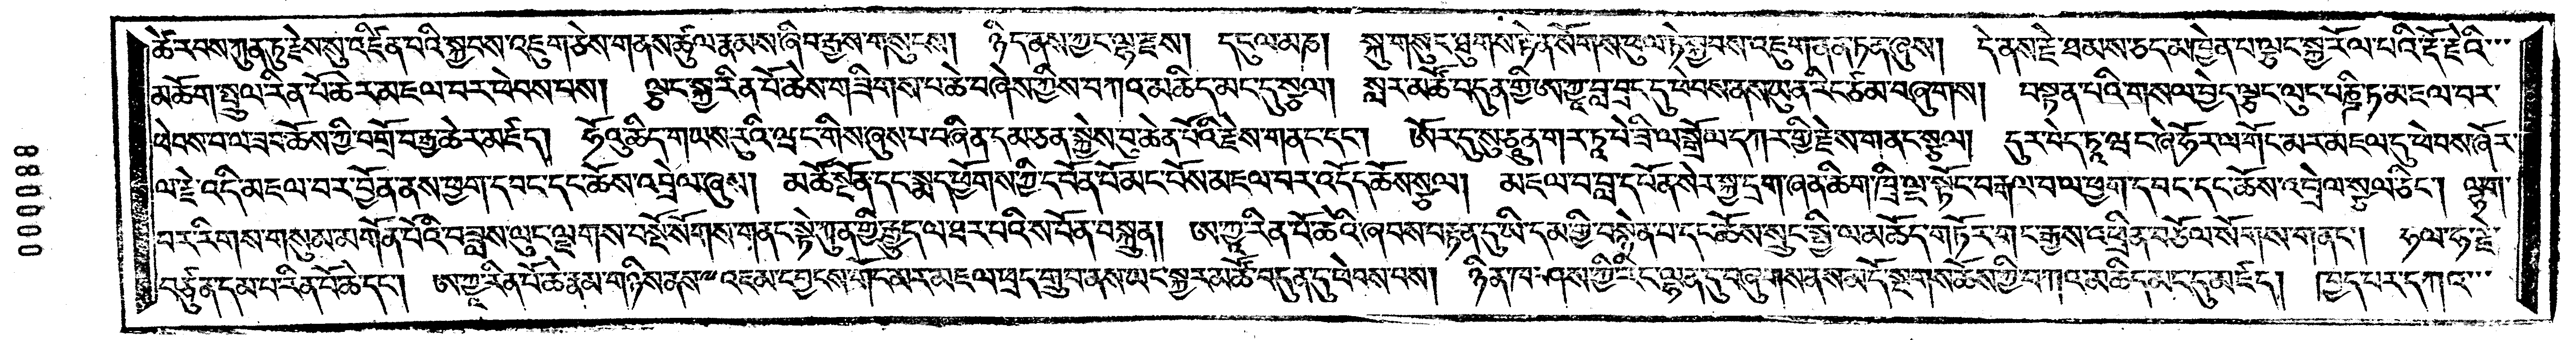ཚེ་རབས་ཀུན་ཏུ་རྗེས་སུ་འཛིན་པའི་སྐྱབས་འཇུག་ཅེས་གནས་ཚུལ་རྣམས་ཞིབ་རྒྱས་གསུངས། ཉིད་ནས་ཀྱང་ལྷ་རྫས། དངུལ་མཎ། སྐུ་གསུང་ཐུགས་རྟེན་སོགས་ཕུལ་ཏེ་སྐྱབས་འཇུག་ནན་ཏན་ཞུས། དེ་ནས་རྗེ་ཐམས་ཅད་མཁྱེན་བ་ལྕང་སྐྱ་རོལ་པའི་རྡོ་རྗེའི་
མཆོག་སྤྲུལ་རིན་པོ་ཆེར་མཇལ་བར་ཕེབས་པས། ལྕང་སྐྱ་རིན་པོ་ཆེས་གཟིགས་པ་ཆེ་བཞེས་ཀྱིས་བཀའ་མཆིད་མང་དུ་སྩལ། སླར་མཚོ་བདུན་གྱི་ཨ་ཀྱཱ་བླ་བྲང་དུ་ཕེབས་ནས་ཡུན་རིང་ཙམ་བཞུགས། བསྟན་པའི་གསལ་བྱེད་ལྕང་ལུང་པཎྜི་ཏ་མཇལ་བར་
ཕེབས་པ་ལ་ཟབ་ཆོས་ཀྱི་བགྲོ་བ་རྒྱ་ཆེར་མཛད། ཧོའུ་ཆིད་གཡས་རུའི་ཝང་གིས་ཞུས་པ་བཞིན་དམ་ཅན་སྐྱེས་བུ་ཆེན་པོའི་རྗེས་གནང་དང་། ཨོར་དུ་སུཅཱུན་གར་ཏཱ་བེ་ཟིལ་སྒྲོལ་དཀར་གྱི་རྗེས་གནང་སྩལ། དུར་བདེ་ཏཱ་ཝང་ཞེ་ཧོར་ལ་གོང་མར་མཇལ་དུ་ཕེབས་ཞོར་
ལ་རྗེ་འདི་མཇལ་བར་བྱོན་ནས་ཕྱག་དབང་དང་ཆོས་འབྲེལ་ཞུས། མཚོ་སྔོན་དང་སྨད་ཕྱོགས་ཀྱི་དབོན་པོ་མང་བོས་མཇལ་བར་འདོད་ཆོས་སྩལ། མཇལ་བ་བླ་དཔོན་སེར་སྐྱ་དྲག་ཞན་ཆིག་ཁྲི་ལྔ་སྟོང་བརྒལ་བ་ལ་ཕྱག་དབང་དང་ཆོས་འབྲེལ་སྩལ་ཅིང་། ལྷག་
བར་རིགས་གསུམ་མགོན་པོའི་བཟླས་ལུང་ལྗགས་བསྡོ་སོགས་གནང་སྟེ་ཀུན་གྱི་རྒྱུད་ལ་ཐར་པའི་ས་བོན་བསྐྲུན། ཨ་ཀྱཱ་རིན་པོ་ཆེའི་ཞབས་བརྟན་དུ་ཡིད་དམ་གྱི་བསྙེན་པ་དང་ཆོས་སྲུང་སྤྱི་ལ་མཆོད་གཏོར་གང་རྒྱས་འཕྲིན་བཅོལ་སོགས་གནང་། ཧལ་ཧ་རྗེ་
བཙུན་དམ་པ་རིན་པོ་ཆེ་དང་། ཨ་ཀྱཱ་རིན་པོ་ཆེ་རྣམ་གཉིས་ནས ༧་འཇམ་དབྱངས་གོང་མར་མཇལ་ཕྲད་གྲུབ་ནས་ཡང་སྐྱར་མཚོ་བདུན་དུ་ཕེབས་པས། ཉིན་ཁ་ཤས་ཀྱི་རིང་ལྷན་དུ་བཞུགས་ནས་མདོ་སྔགས་ཆོས་ཀྱི་བཀའ་མཆིད་མང་དུ་མཛད། ཁྱད་པར་དཀའ་